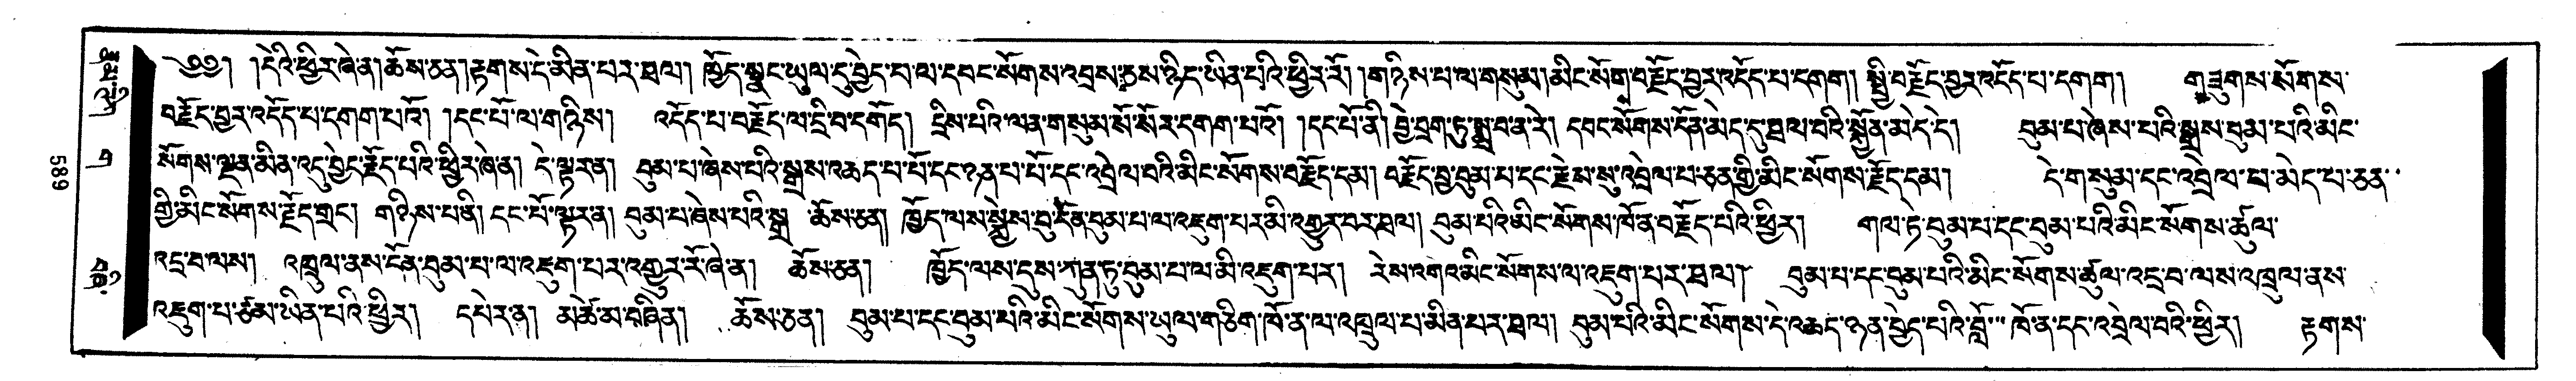༄༅། །དེའི་ཕྱིར་ཞེ་ན། ཆོས་ཅན། རྟགས་དེ་མིན་པར་ཐལ། ཁྱོད་སྣང་ཡུལ་དུ་བྱེད་པ་ལ་དབང་སོགས་འབྲས་བཅས་ཉིད་ཡིན་པའི་ཕྱིར་རོ། །གཉིས་པ་ལ་གསུམ། མིང་སོགས་བརྗོད་བྱར་འདོད་པ་དགག། སྤྱི་བརྗོད་བྱར་འདོད་པ་དགག། གཟུགས་སོགས་
བརྗོད་བྱར་འདོད་པ་དགག་པའོ། །དང་པོ་ལ་གཉིས། འདོད་པ་བརྗོད་ལ་དྲི་བ་དགོད། དྲིས་པའི་ལན་གསུམ་སོ་སོར་དགག་པའོ། །དང་པོ་ནི། བྱེ་བྲག་ཏུ་སྨྲ་བ་ན་རེ། དབང་སོགས་དོན་མེད་དུ་ཐལ་བའི་སྐྱོན་མེད་དེ། བུམ་པ་ཞེས་པའི་སྒྲས་བུམ་པའི་མིང་
སོགས་ལྡན་མིན་འདུ་བྱེད་རྗོད་པའི་ཕྱིར་ཞེ་ན། དེ་ལྟར་ན། བུམ་པ་ཞེས་པའི་སྒྲས་འཆད་པ་པོ་དང་ཉན་པ་པོ་དང་འབྲེལ་བའི་མིང་སོགས་བརྗོད་དམ། བརྗོད་བྱ་བུམ་པ་དང་རྗེས་སུ་འབྲེལ་པ་ཅན་གྱི་མིང་སོགས་རྗོད་དམ། དེ་གསུམ་དང་འབྲེལ་པ་མེད་པ་ཅན་
གྱི་མིང་སོགས་རྗོད་གྲང་། གཉིས་པ་ནི། དང་པོ་ལྟར་ན། བུམ་པ་ཞེས་པའི་སྒྲ། ཆོས་ཅན། ཁྱོད་ལས་སྐྱེས་བུ་དོན་བུམ་པ་ལ་འཇུག་པར་མི་འགྱུར་བར་ཐལ། བུམ་པའི་མིང་སོགས་ཁོ་ན་བརྗོད་པའི་ཕྱིར། གལ་ཏེ་བུམ་པ་དང་བུམ་པའི་མིང་སོགས་ཚུལ་
འདྲ་བ་ལས། འཁྲུལ་ནས་དོན་བུམ་པ་ལ་འཇུག་པར་འགྱུར་རོ་ཞེ་ན། ཆོས་ཅན། ཁྱོད་ལས་དུས་ཀུན་ཏུ་བུམ་པ་ལ་མི་འཇུག་པར། རེས་འགའ་མིང་སོགས་ལ་འཇུག་པར་ཐལ། བུམ་པ་དང་བུམ་པའི་མིང་སོགས་ཚུལ་འདྲ་བ་ལས་འཁྲུལ་ནས་
འཇུག་པ་ཙམ་ཡིན་པའི་ཕྱིར། དཔེར་ན། མཚེ་མ་བཞིན། ཆོས་ཅན། བུམ་པ་དང་བུམ་པའི་མིང་སོགས་ཡུལ་གཅིག་ཁོ་ན་ལ་འཁྲུལ་པ་མིན་པར་ཐལ། བུམ་པའི་མིང་སོགས་དེ་འཆད་ཉན་བྱེད་པའི་བློ་ཁོ་ན་དང་འབྲེལ་བའི་ཕྱིར། རྟགས་